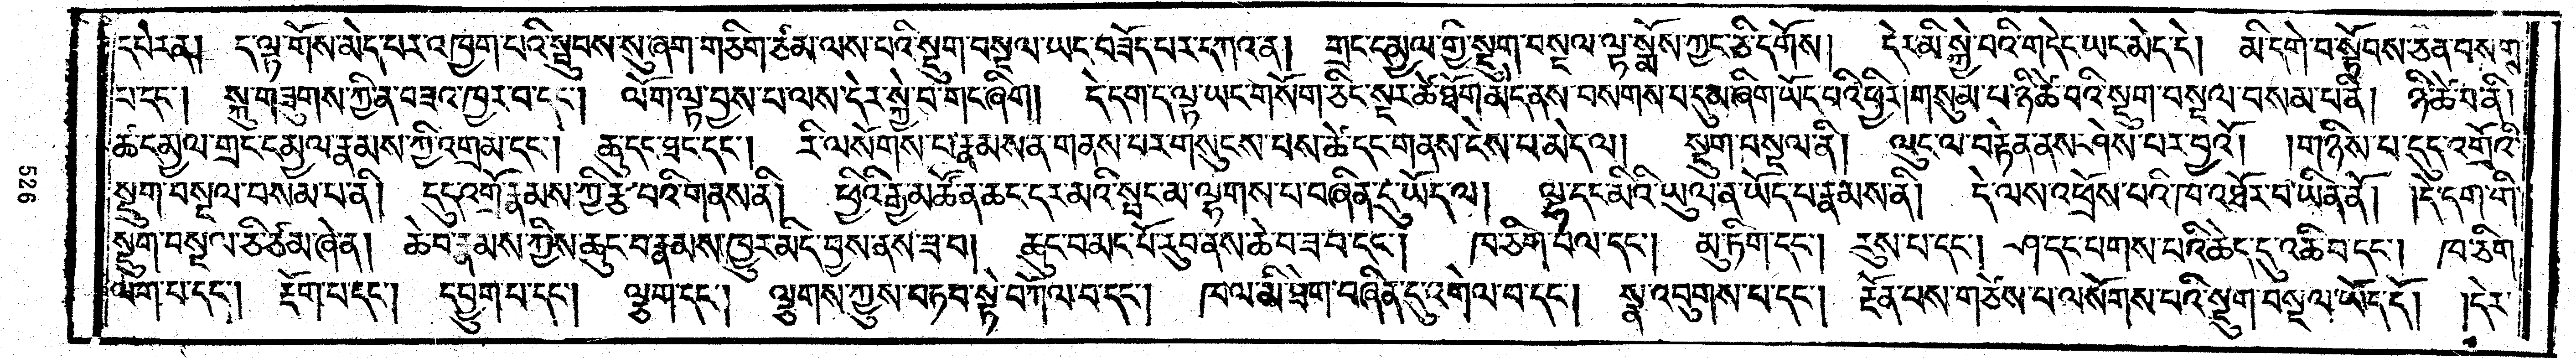དཔེར་ན། ད་ལྟ་གོས་མེད་པར་འཁྱག་པའི་སྦུབས་སུ་ཞག་གཅིག་ཙམ་ལས་པའི་སྡུག་བསྔལ་ཡང་བཟོད་པར་དཀའ་ན། གྲང་དམྱལ་གྱི་སྡུག་བསྔལ་ལྟ་སྨོས་ཀྱང་ཅི་དགོས། དེར་མི་སྐྱེ་བའི་གདེང་ཡང་མེད་དེ། མི་དགེ་བ་སྟོབས་ཅན་བསགས་
པ་དང་། སྐུ་གཟུགས་ཀྱི་ན་བཟའ་ཁྱར་བ་དང་། ལོག་ལྟ་བྱས་པ་ལས་དེར་སྐྱེ་བ་གང་ཞིག། དེ་དག་ད་ལྟ་ཡང་གསོག་ཅིང་སྔར་ཚེ་ཐོག་མེད་ནས་བསགས་པ་དུམ་ཞིག་ཡོད་པའི་ཕྱིར། གསུམ་པ་ཉི་ཚེ་བའི་སྡུག་བསྔལ་བསམ་པ་ནི། ཉི་ཚེ་བ་ནི།
ཚ་དམྱལ་གྲང་དམྱལ་རྣམས་ཀྱི་འགྲམ་དང་། ཆུ་དང་ཐང་དང་། རི་ལ་སོགས་པ་རྣམས་ན་གནས་པར་གསུངས་པས་ཚེ་དང་གནས་ངེས་པ་མེད་ལ། སྡུག་བསྔལ་ནི། ལུང་ལ་བརྟེན་ནས་ཤེས་པར་བྱའོ། །གཉིས་པ་དུད་འགྲོའི་
སྡུག་བསྔལ་བསམ་པ་ནི། དུད་འགྲོ་རྣམས་ཀྱི་རྩ་བའི་གནས་ནི། ཕྱིའི་རྒྱ་མཚོ་ན་ཆང་དར་མའི་སྤང་མ་ལྷགས་པ་བཞིན་དུ་ཡོད་ལ། ལྷ་དང་མིའི་ཡུལ་ན་ཡོད་པ་རྣམས་ནི། དེ་ལས་འཕྲོས་པའི་ཁ་འཐོར་བ་ཡིན་ནོ། །དེ་དག་གི་
སྡུག་བསྔལ་ཅི་ཙམ་ཞེ་ན། ཆེ་བ་རྣམས་ཀྱིས་ཆུང་བ་རྣམས་ཁྱུར་མིད་བྱས་ནས་ཟ་བ། ཆུང་བ་མང་པོ་རུབ་ནས་ཆེ་བ་ཟ་བ་དང་། ཁ་ཅིག་བླ་དང་། མུ་ཏིག་དང་། རུས་པ་དང་། ཤ་དང་པགས་པའི་ཆེད་དུ་འཆི་བ་དང་། ཁ་ཅིག་
ལག་པ་དང་། རྡོག་པ་དང་། དབྱུག་པ་དང་། ལྕག་དང་། ལྕགས་ཀྱུས་བཏབ་སྟེ་བཀོལ་བ་དང་། ཁལ་མི་ཐེག་བཞིན་དུ་འགེལ་བ་དང་། སྣ་འབུགས་པ་དང་། རྔོན་པས་གཙེས་པ་ལ་སོགས་པའི་སྡུག་བསྔལ་ཡོད་དོ། །དེར་